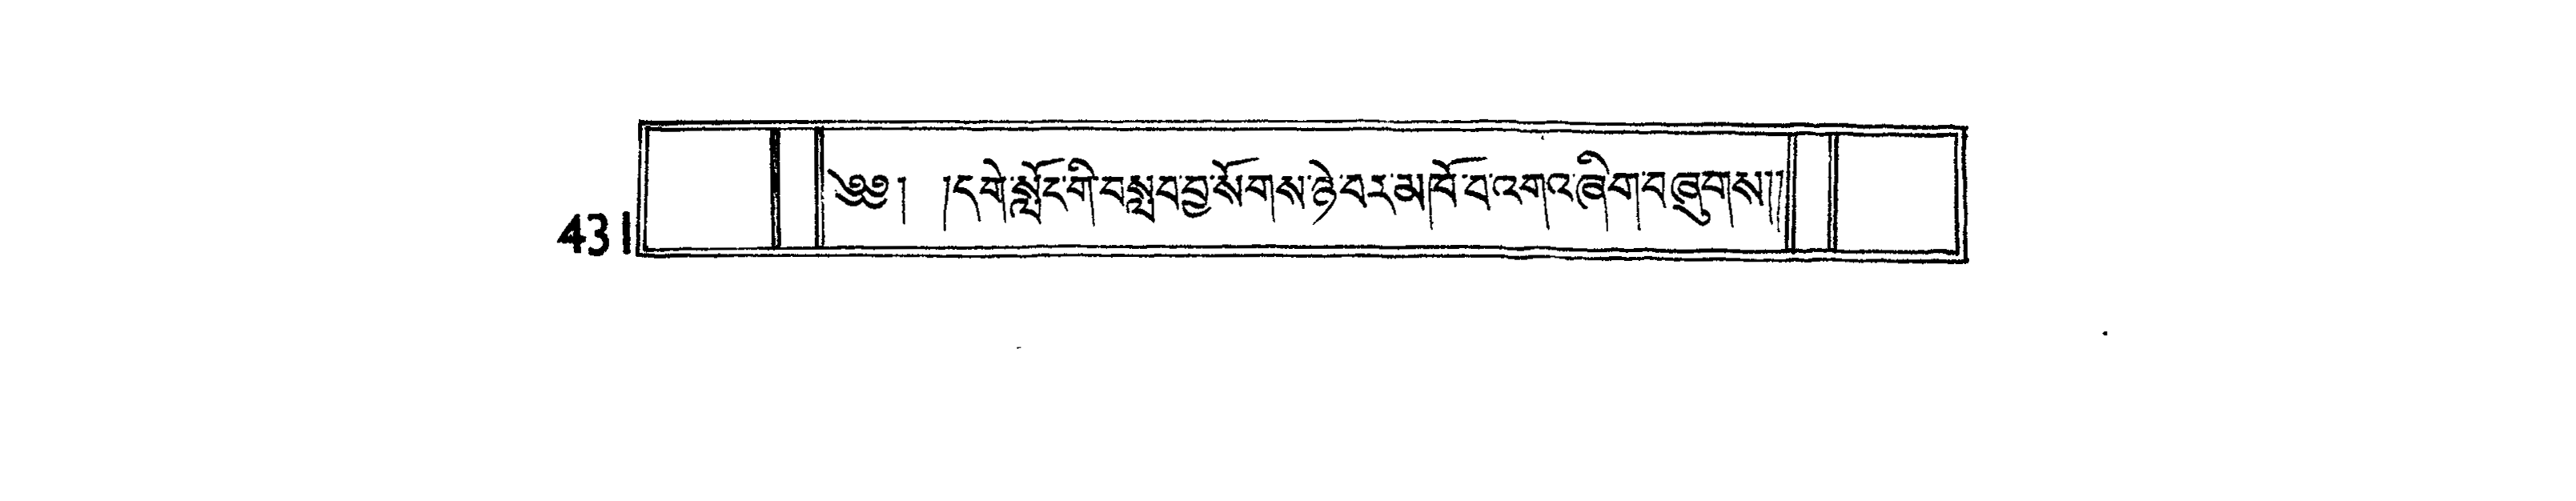༄༅། །དགེ་སློང་གི་བསླབ་བྱ་སོགས་ཉེ་བར་མཁོ་བ་འགའ་ཞིག་བཞུགས། །